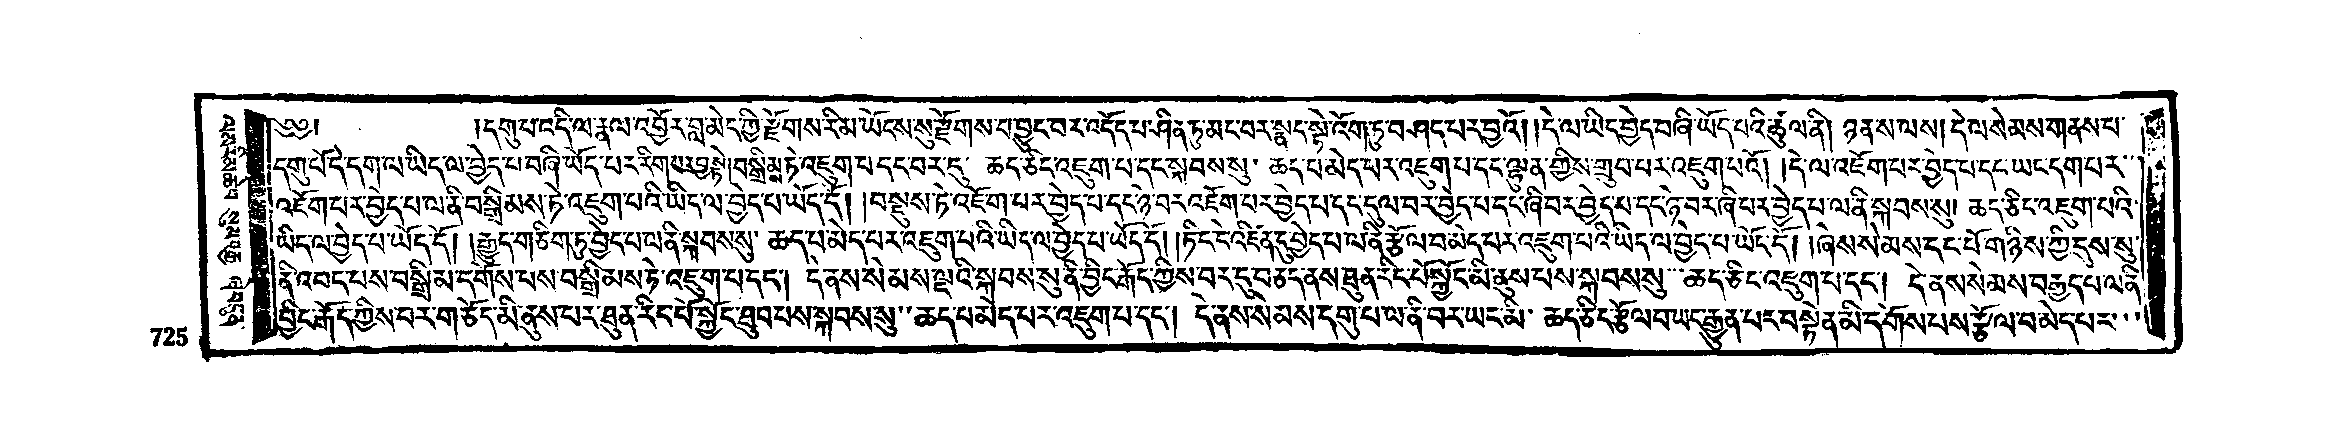༄༅། །དགུ་པ་འདི་ལ་རྣལ་འབྱོར་བླ་མེད་ཀྱི་རྫོགས་རིམ་ཡོངས་སུ་རྫོགས་པ་བྱུང་བར་འདོད་པ་ཤིན་ཏུ་མང་བར་སྣང་སྟེ་འོག་ཏུ་བཤད་པར་བྱའོ། །དེ་ལ་ཡིད་བྱེད་བཞི་ཡོད་པའི་ཚུལ་ནི། ཉན་ས་ལས། དེ་ལ་སེམས་གནས་པ་
དགུ་པོ་དེ་དག་ལ་ཡིད་ལ་བྱེད་པ་བཞི་ཡོད་པར་རིག་པར་བྱ་སྟེ། བསྒྲིམས་ཏེ་འཇུག་པ་དང་བར་དུ་ཆད་ཅིང་འཇུག་པ་དང་སྐབས་སུ་ཆད་པ་མེད་པར་འཇུག་པ་དང་ལྷུན་གྱིས་གྲུབ་པར་འཇུག་པའོ། །དེ་ལ་འཇོག་པར་བྱེད་པ་དང་ཡང་དག་པར་
འཇོག་པར་བྱེད་པ་ལ་ནི་བསྒྲིམས་ཏེ་འཇུག་པའི་ཡིད་ལ་བྱེད་པ་ཡོད་དོ། །བསྡུས་ཏེ་འཇོག་པར་བྱེད་པ་དང་ཉེ་བར་འཇོག་པར་བྱེད་པ་དང་དུལ་བར་བྱེད་པ་དང་ཞི་བར་བྱེད་པ་དང་ཉེ་བར་ཞི་བར་བྱེད་པ་ལ་ནི་སྐབས་སུ་ཆད་ཅིང་འཇུག་པའི་
ཡིད་ལ་བྱེད་པ་ཡོད་དོ། །རྒྱུད་གཅིག་ཏུ་བྱེད་པ་ལ་ནི་སྐབས་སུ་ཆད་པ་མེད་པར་འཇུག་པའི་ཡིད་ལ་བྱེད་པ་ཡོད་དོ། །ཏིང་ངེ་འཛིན་དུ་བྱེད་པ་ལ་ནི་རྩོལ་བ་མེད་པར་འཇུག་པའི་ཡིད་ལ་བྱེད་པ་ཡོད་དོ། །ཞེས་སེམས་དང་པོ་གཉིས་ཀྱི་དུས་སུ་
ནི་འབད་པས་བསྒྲིམ་དགོས་པས་བསྒྲིམས་ཏེ་འཇུག་པ་དང་། དེ་ནས་སེམས་ལྔའི་སྐབས་སུ་ནི་བྱིང་རྒོད་ཀྱིས་བར་དུ་བཅད་ནས་ཐུན་རིང་པོ་སྐྱོང་མི་ནུས་པས་སྐབས་སུ་ཆད་ཅིང་འཇུག་པ་དང་། དེ་ནས་སེམས་བརྒྱད་པ་ལ་ནི་
བྱིང་རྒོད་ཀྱིས་བར་གཅོད་མི་ནུས་པར་ཐུན་རིང་པོ་སྐྱོང་ཐུབ་པས་སྐབས་སུ་ཆད་པ་མེད་པར་འཇུག་པ་དང་། དེ་ནས་སེམས་དགུ་པ་ལ་ནི་བར་ཡང་མི་ཆད་ཅིང་རྩོལ་བ་ཡང་རྒྱུན་པར་བསྟེན་མི་དགོས་པས་རྩོལ་བ་མེད་པར་